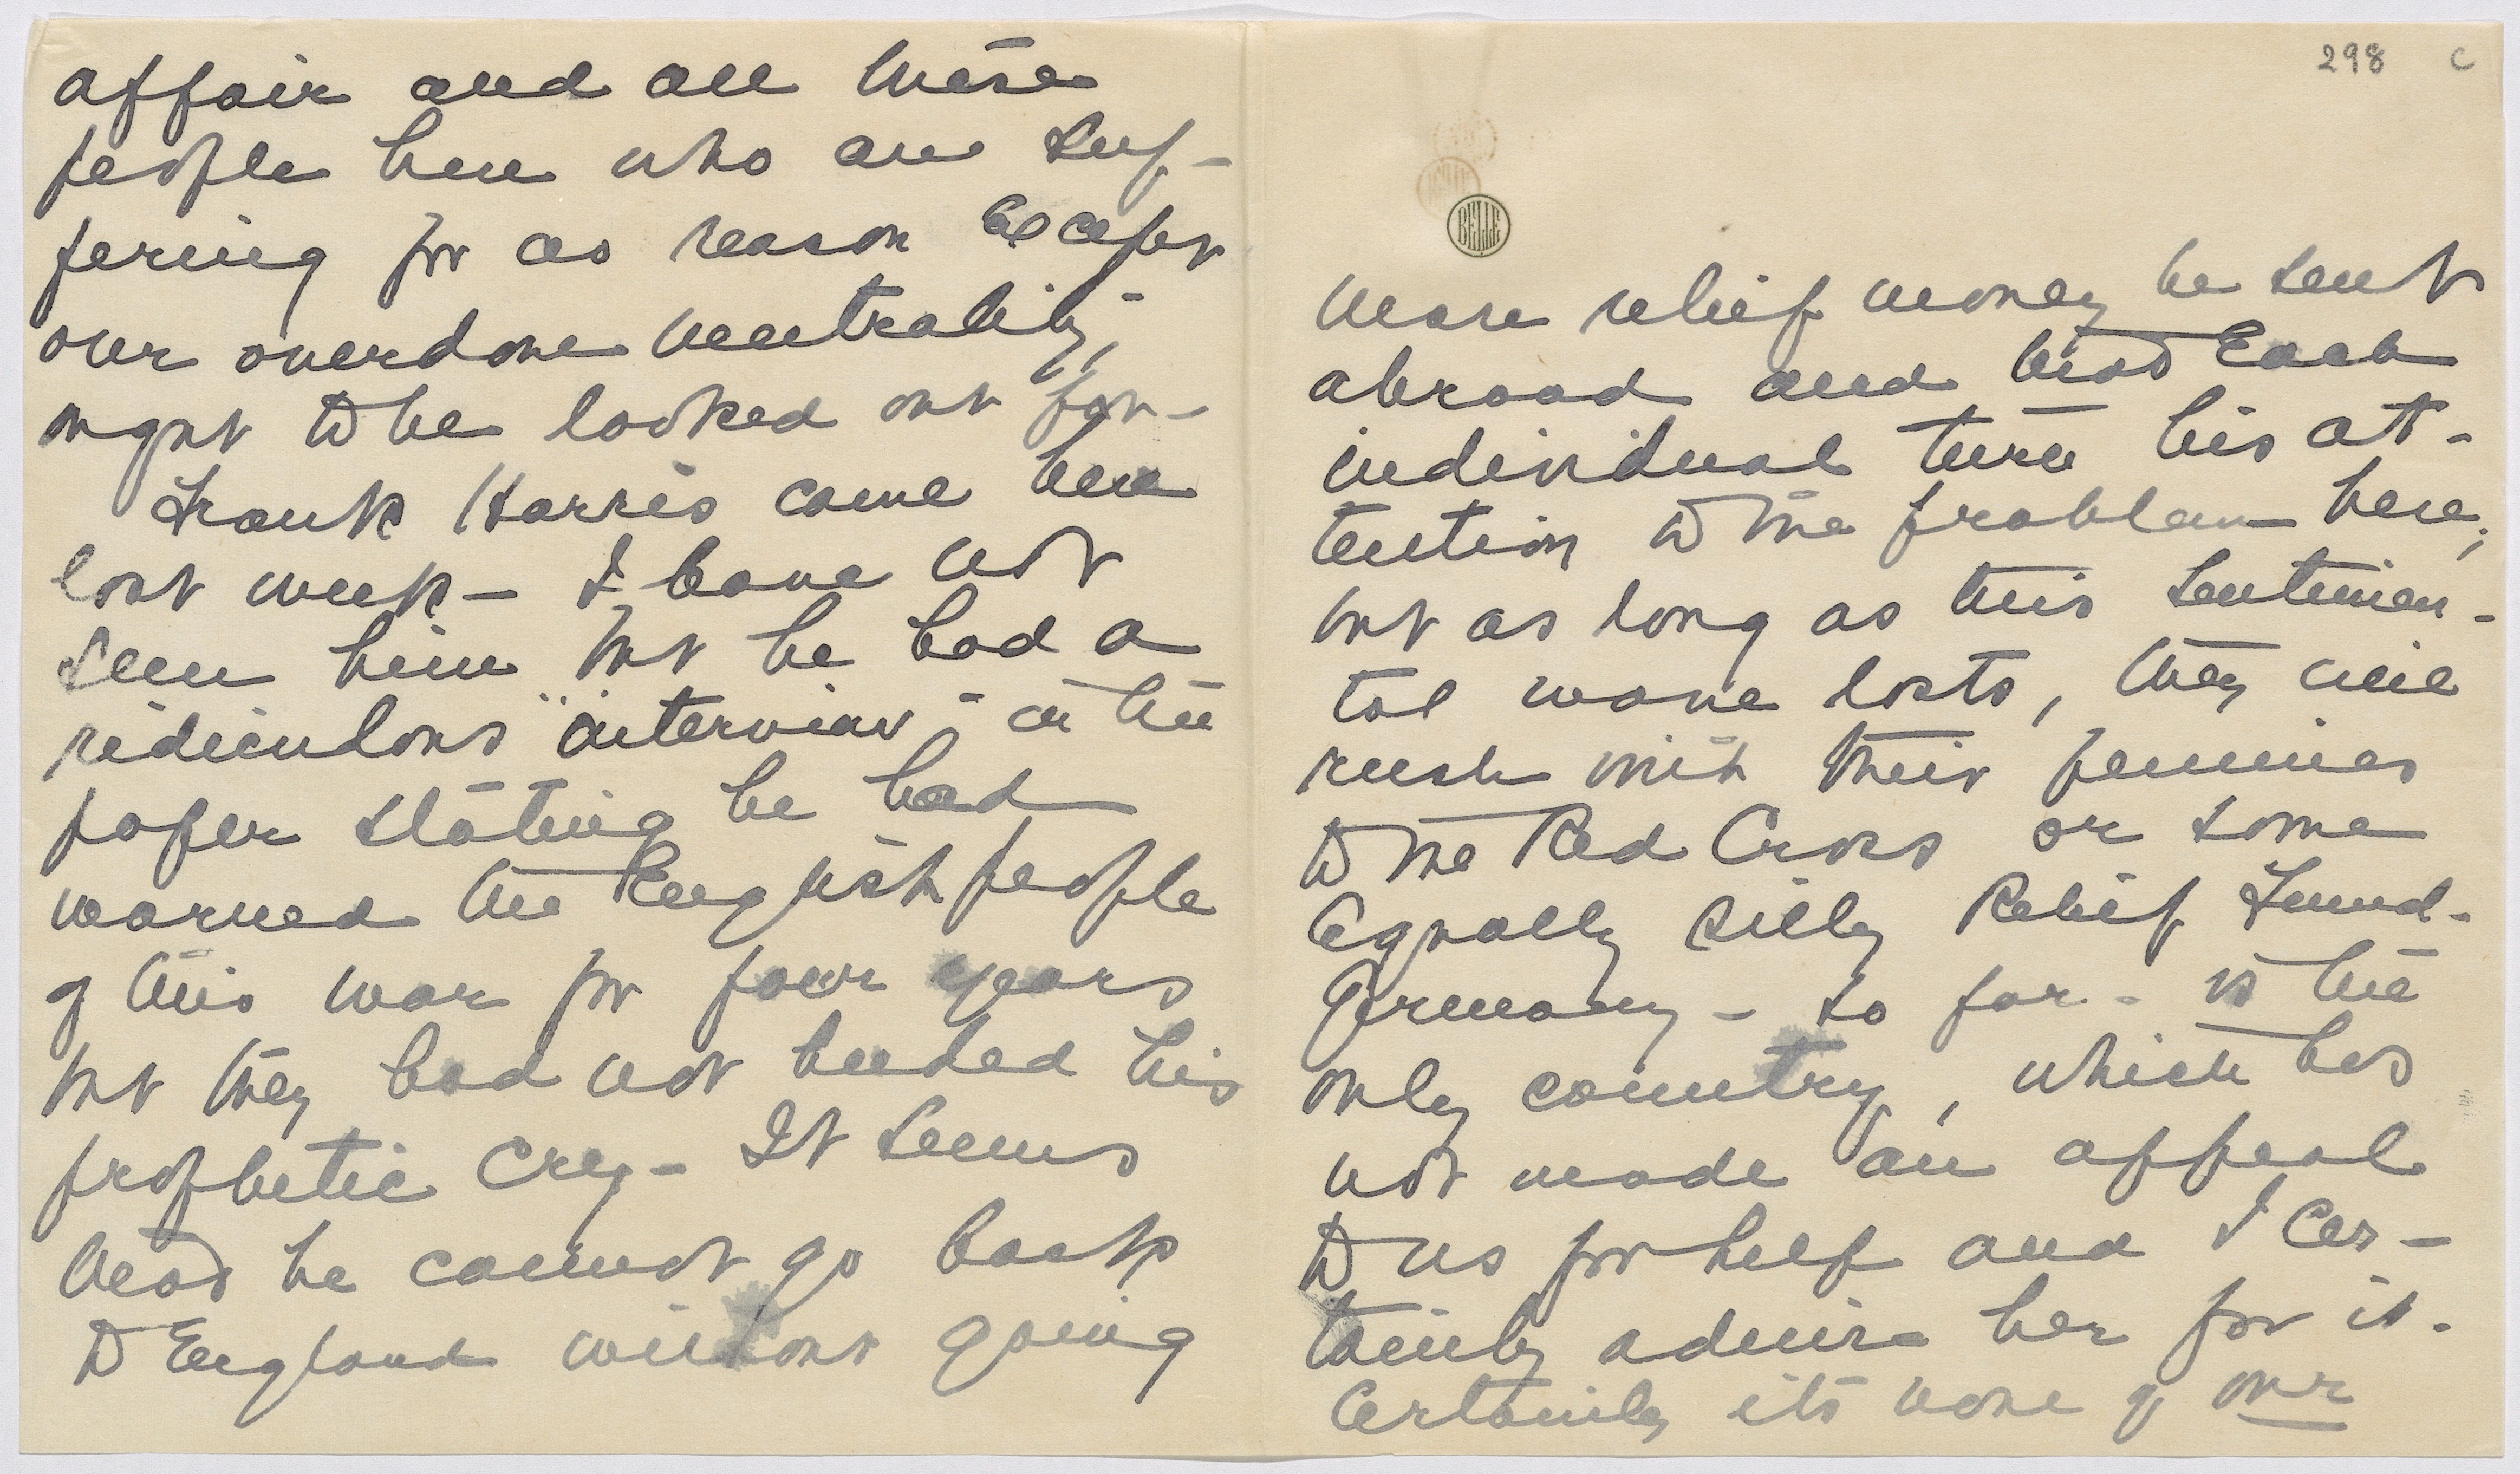more relief money be sent abroad and that each individual turn his attention to the problem here, but as long as this sentimental wave lasts, they will rush with their pennies to the Red Cross or some equally silly Relief Fund – Germany – so far – is the only country, which has not made an appeal to use for help and I certainly admire her for it.
Certainly its none of our
affair and all these people here who are suffering for no reason except our overdone neutrality ought to be looked out for –
Frank Harris came here last week – I have not seen him but he had a ridiculous “interview” in the paper stating he had warned the English people of this war for four years but they had not heeded his prophetic cry – It seems that he cannot go back to England without going